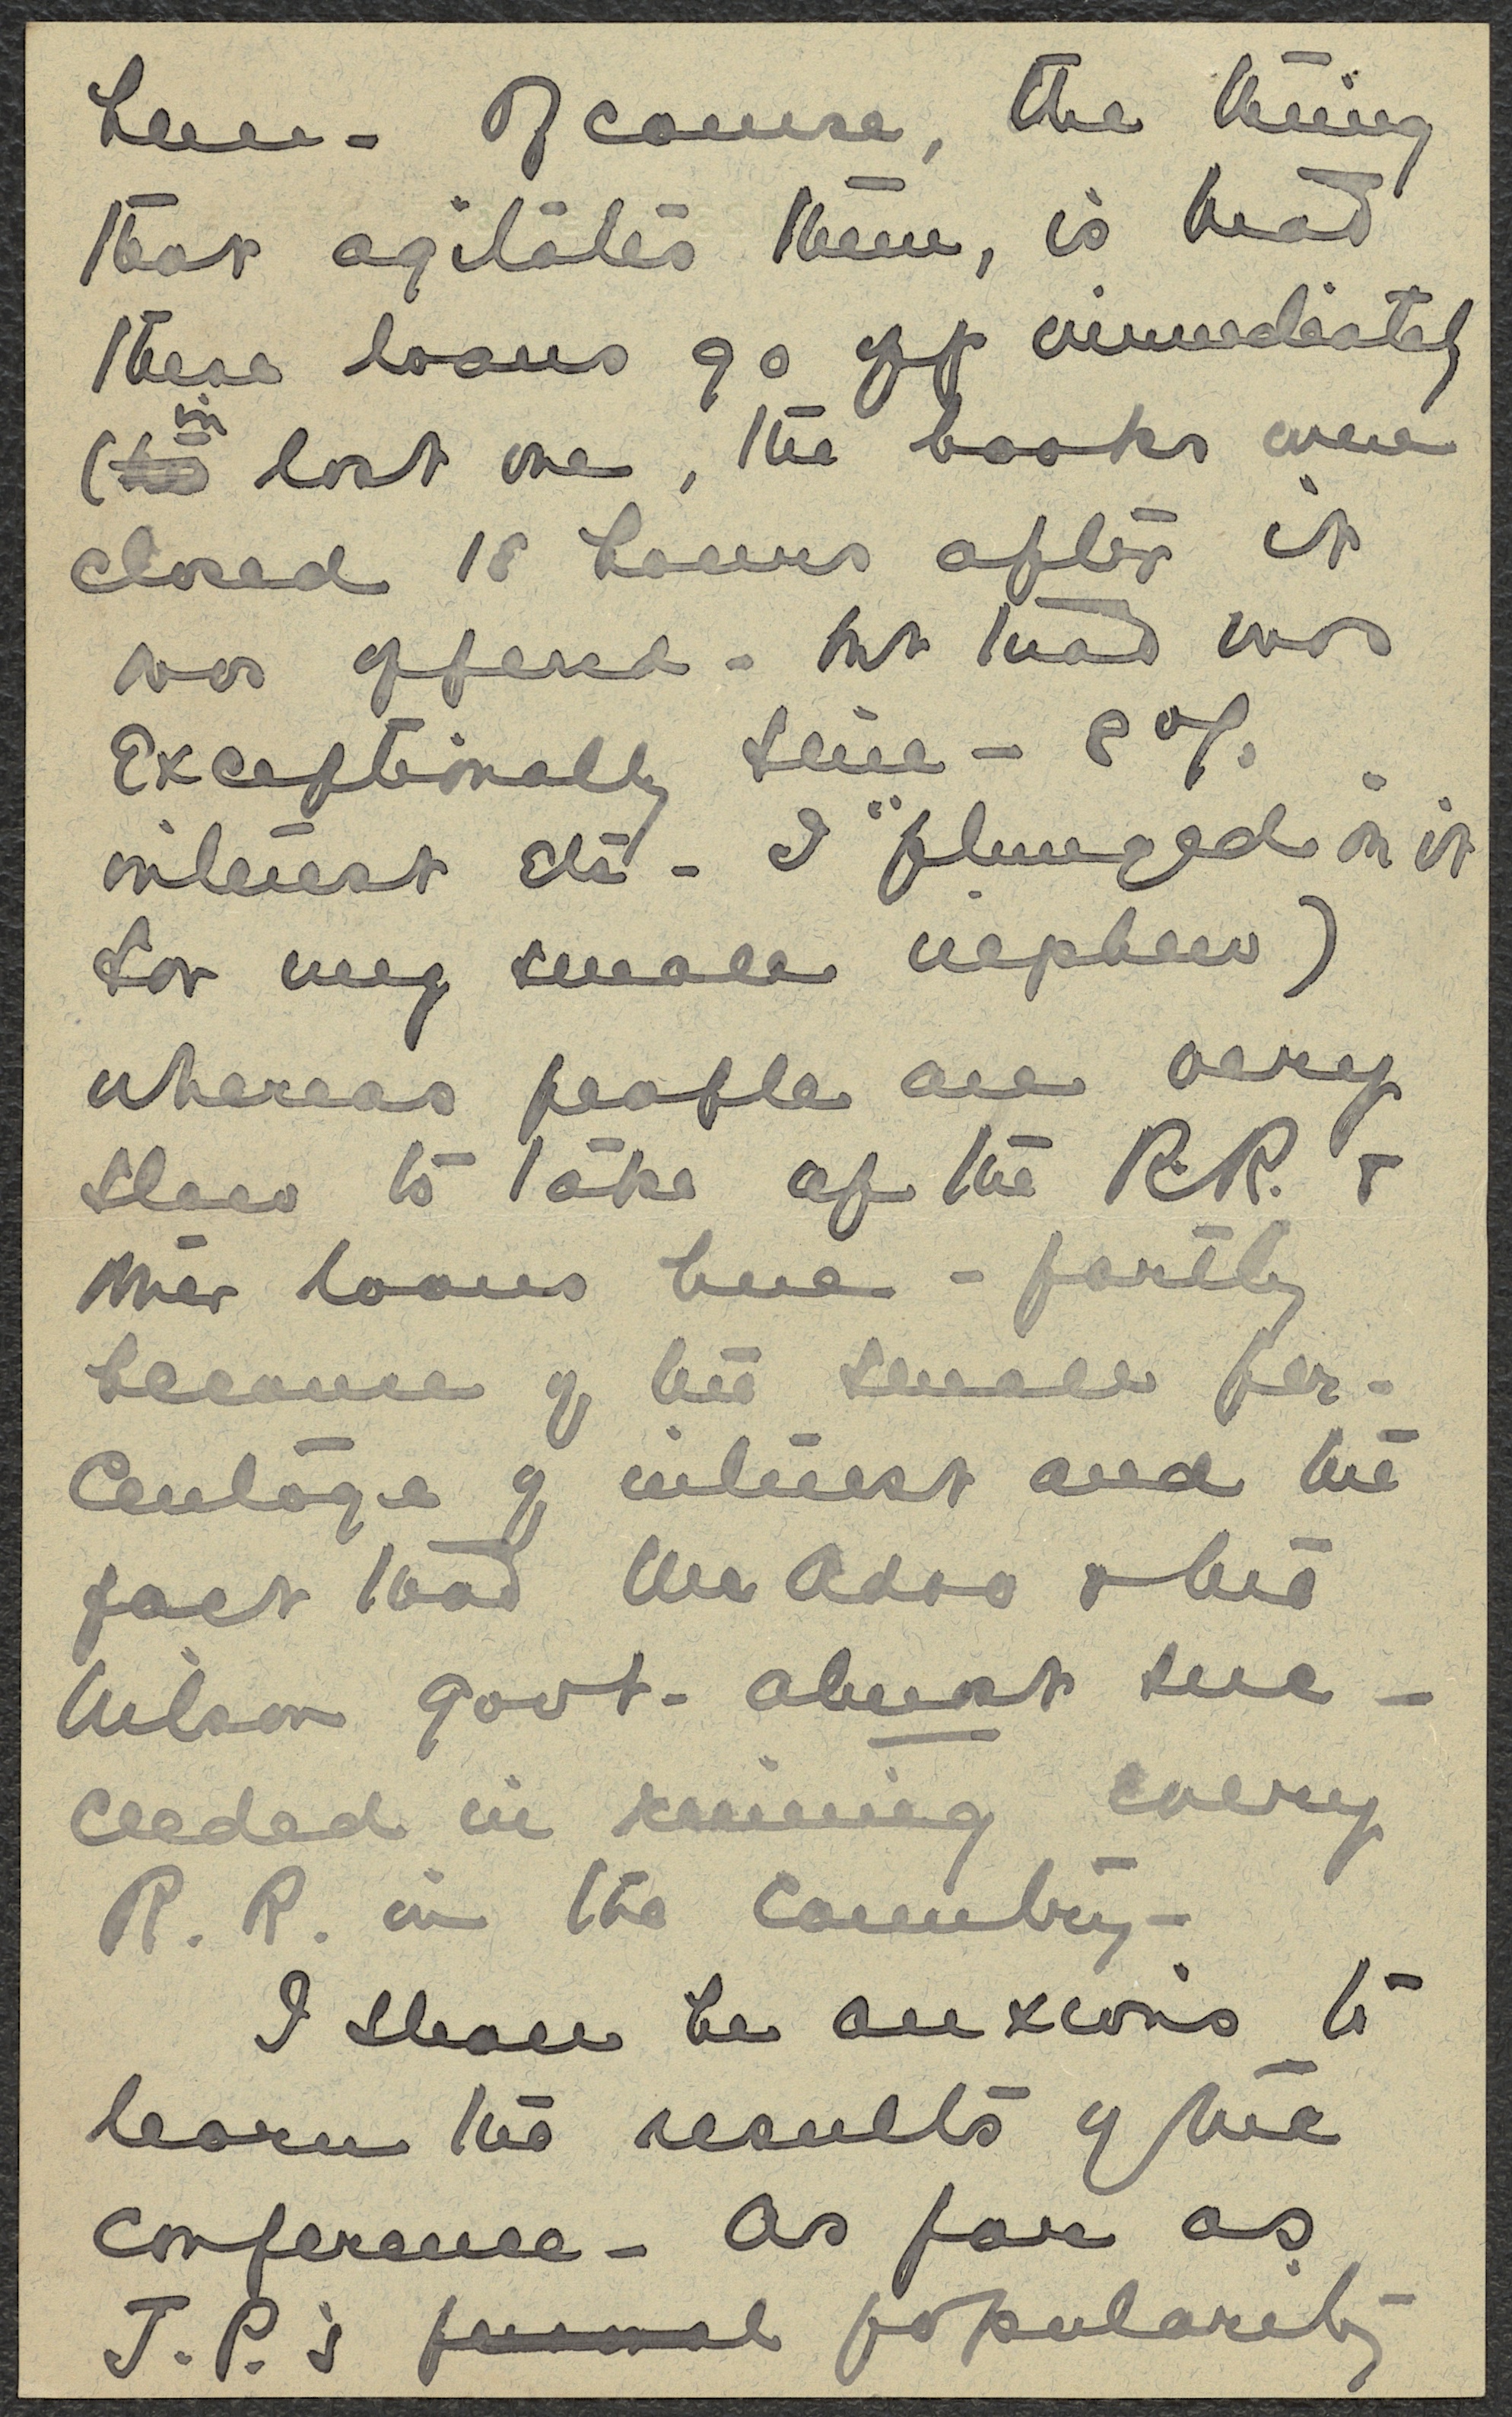here – of course, the thing that agitates them, is that these loans go off immediately (the in last one, the books were closed 18 hours after it was offered – but that was exceptionally fine – 8 % interest etc – I “plunged” on it for my small nephew) Whereas people are very slow to take up the R.R. & other loans here – partly because of the small percentage of interest and the fact that McAdoo & the Wilson govt. almost succeeded in ruining every R.R in the country –
I shall be anxious to learn the results of the conference – as far as J.P’s personal popularity